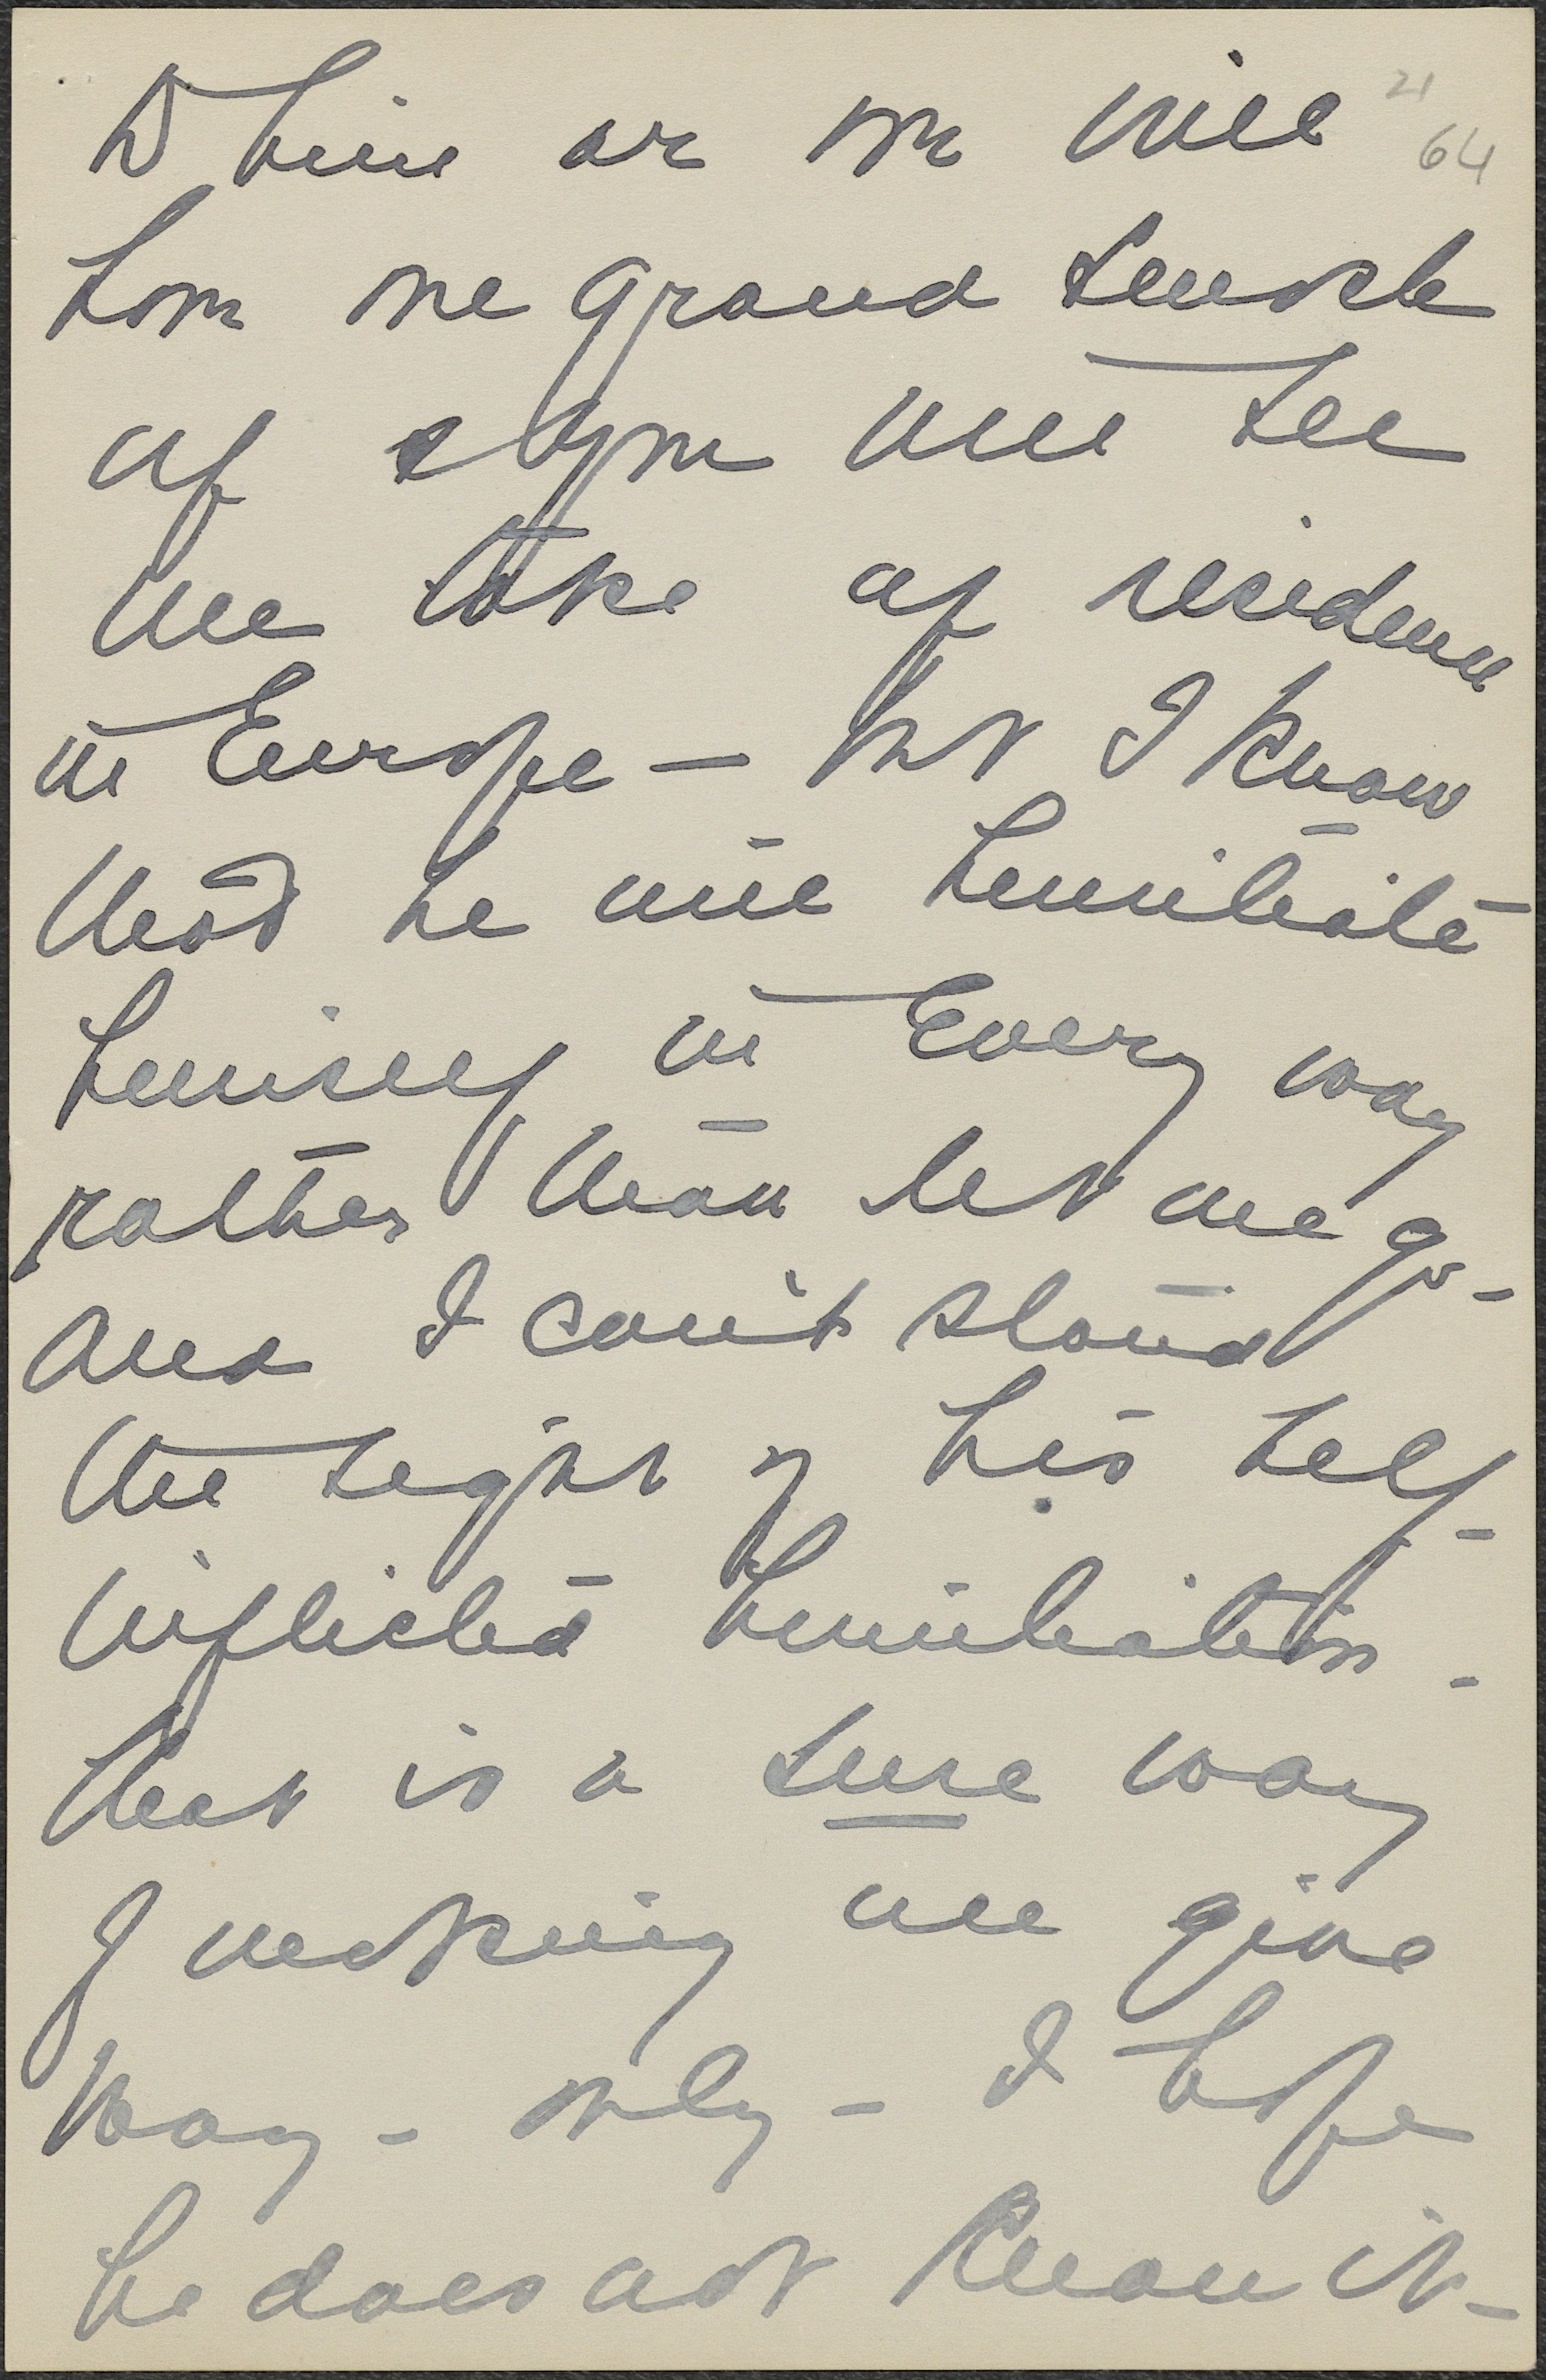to him or we will have one grand smash up & you will see me take up residence in Europe – but I know that he will humiliate himself in every way rather than let me go – and I can’t stand the sight of his self-inflicted humiliation – that is a sure way of making me give way – only – I hope he does not know it –